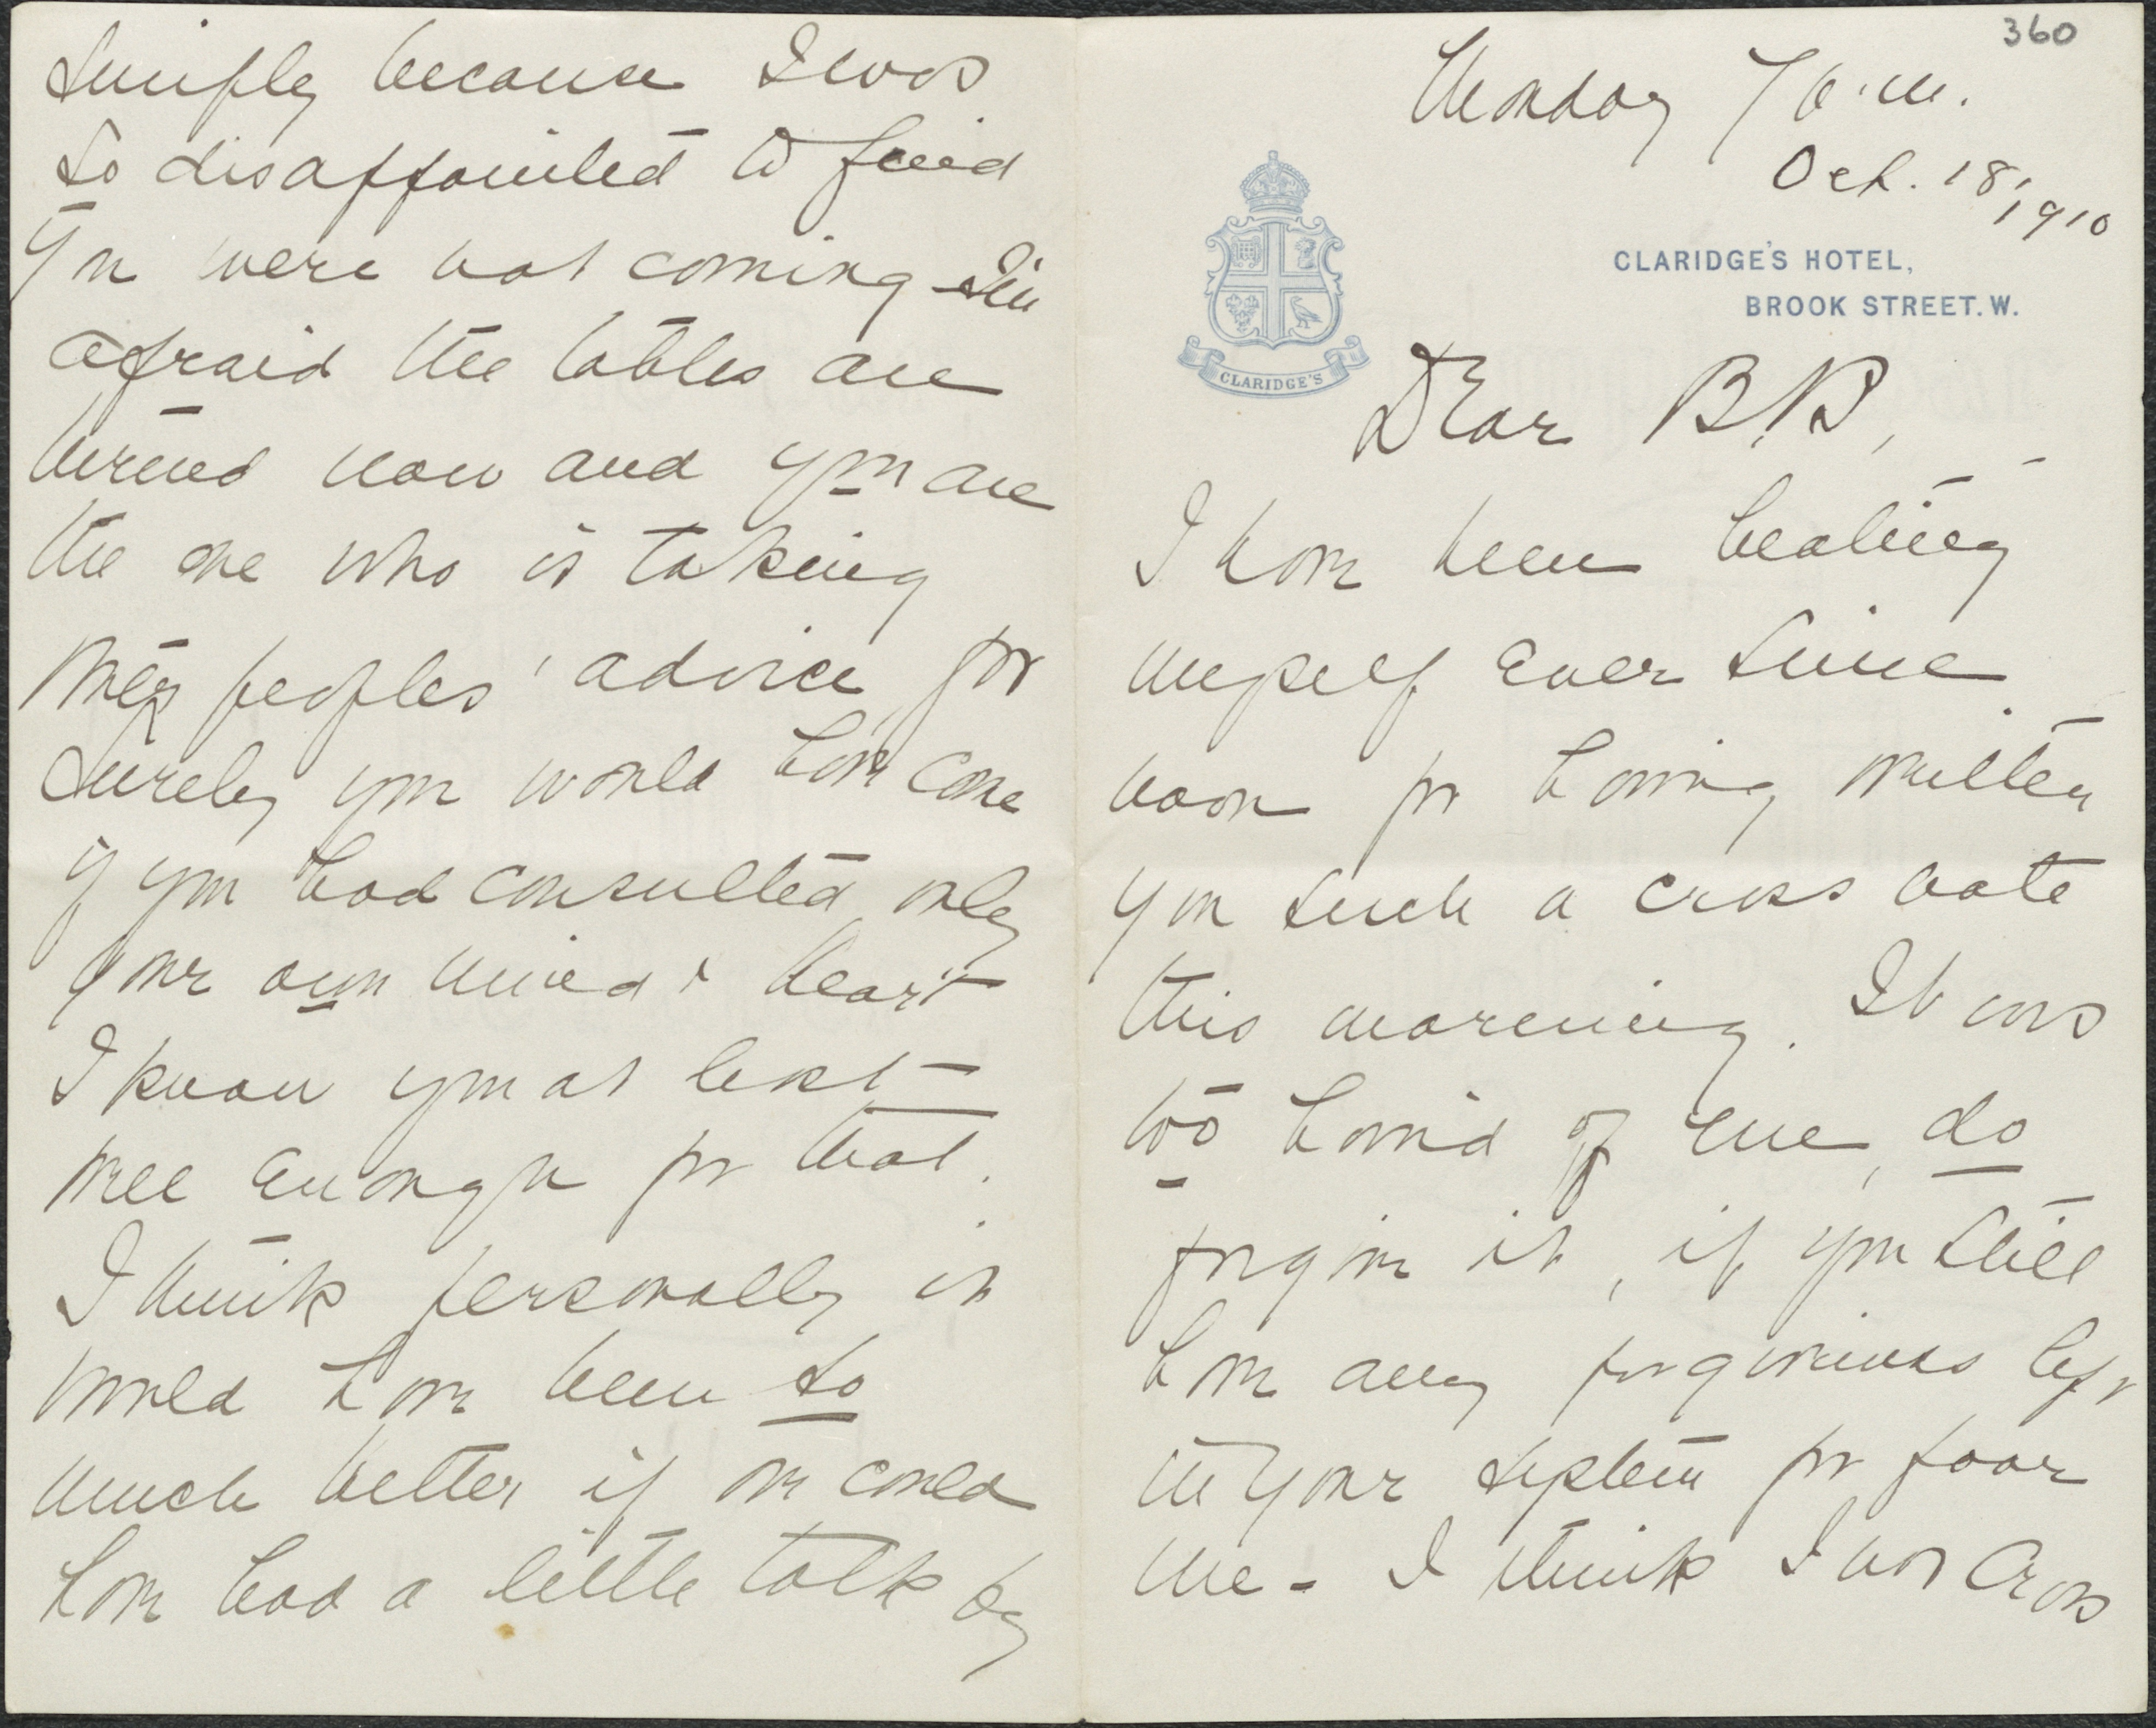Monday 7 p.m.
Dear B.B.
I have been beating myself ever since noon for having written you such a cross note this morning. It was too horrid of me, do forgive it, if you still have any forgiveness left in your system for poor me – I think I was cross
simply because I was so disappointed to find you were not coming – I’m afraid the tables are turned now and you are the one who is taking other peoples’ advice for surely you would have come if you had consulted only your own mind & heart
I know you at least well enough for that. I think personally it would have been so much better if we could have had a little talk by